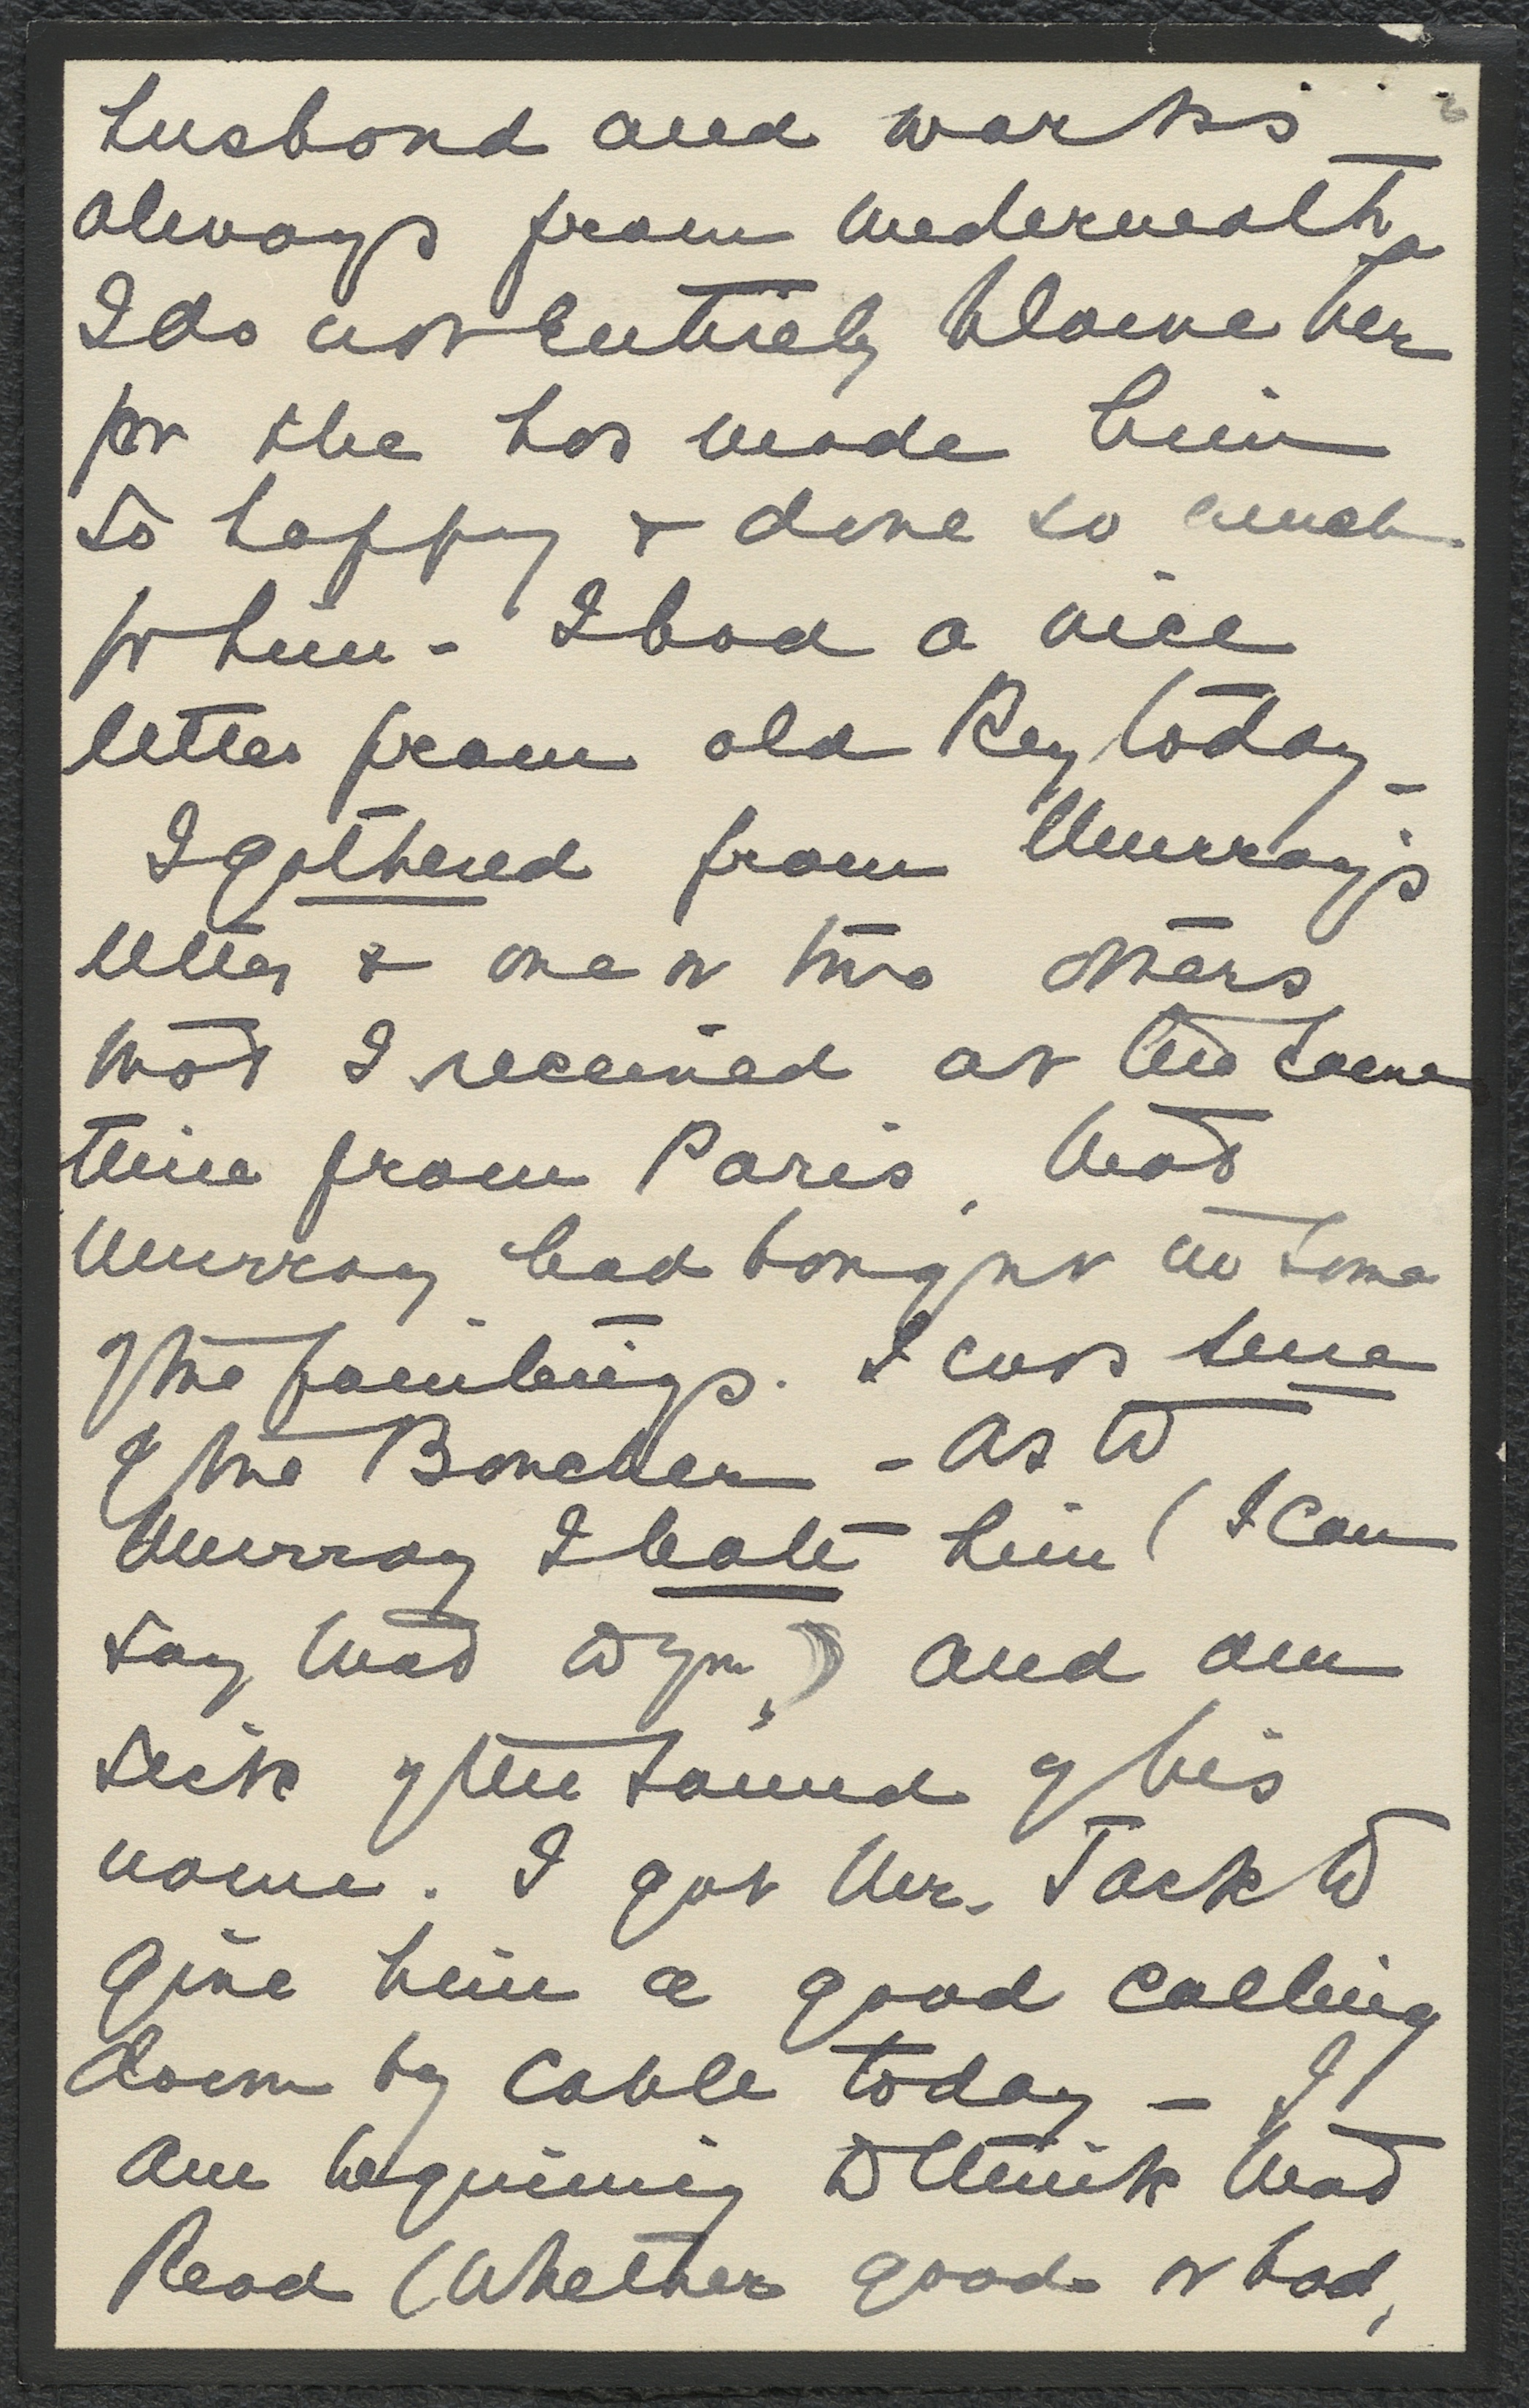husband and works always from underneath. I do not entirely blame her for she has made him so happy & done so much for him – I had a nice letter from old Rey today –
I gathered from Murray’s letter & one or two others that I received at the same time from Paris, that Murray had bought in some of the paintings. I was sure of the Boucher – as to Murray I hate him (I can say that to you) and am sick of the sound of his name. I got Mr. Jack to give him a good calling down by cable today – I am beginning to think that Read (whether good or bad,